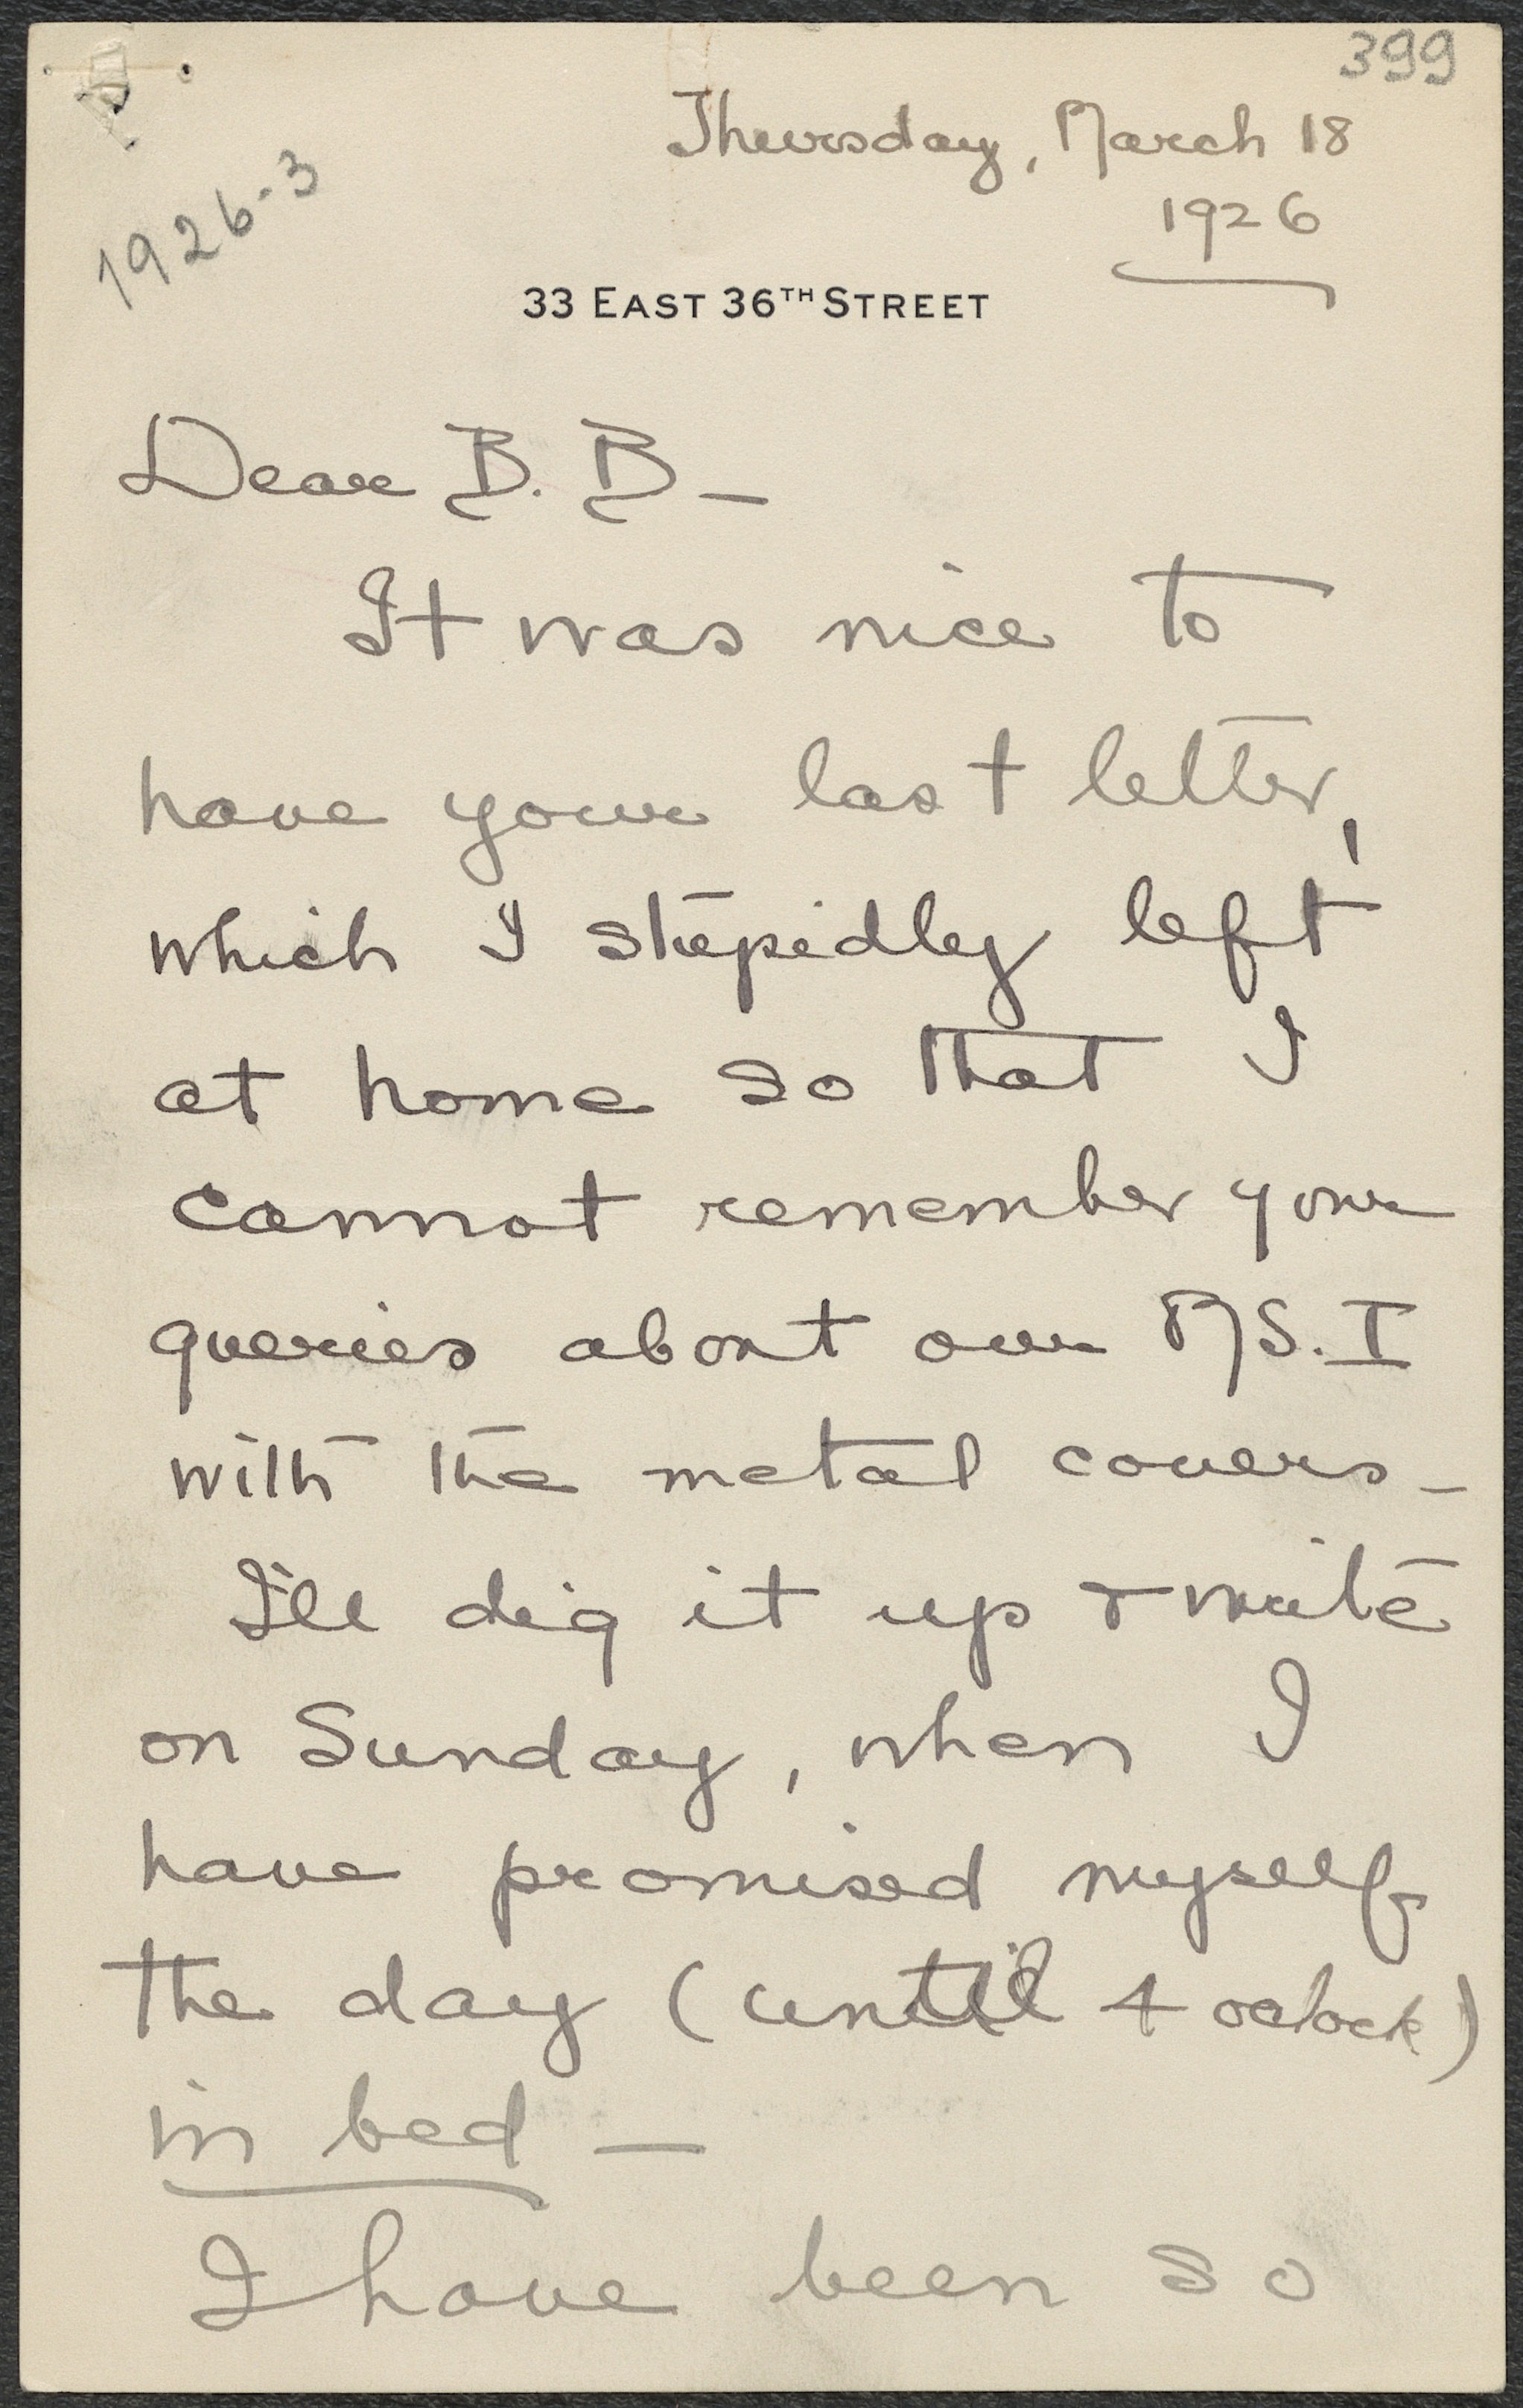Thursday, March 18 1926
Dear B.B.,
It was nice to have your last letter, which I stupidly left at home so that I cannot remember your queries about our MS.1 with the metal covers – I’ll dig it up & write on Sunday, when I have promised myself the day (until 4 oclock) in bed-
I have been so